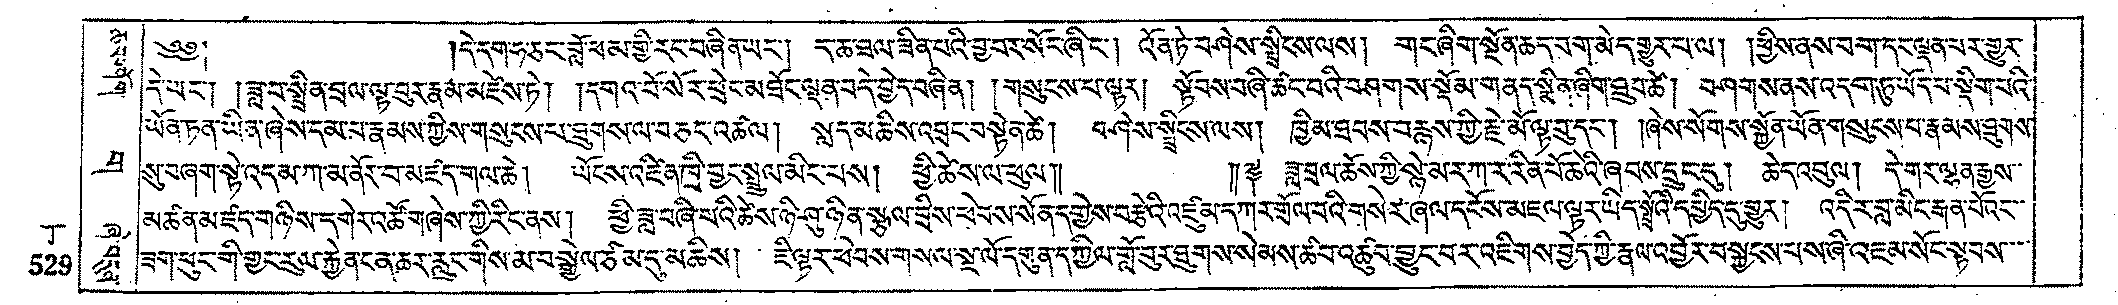༄༅། །དེ་དག་ཧ་ཅང་བློ་ཕམ་གྱི་རང་བཞིན་ཡང་། ད་ཆ་ཐལ་ཟིན་པའི་བྱ་བར་སོང་ཞིང་། འོན་ཏེ་བཤེས་སྤྲིངས་ལས། གང་ཞིག་སྔོན་ཆད་བག་མེད་གྱུར་པ་ལ། །ཕྱིས་ནས་བག་དང་ལྡན་པར་གྱུར་
དེ་ཡང་། །ཟླ་བ་སྤྲིན་བྲལ་ལྟ་བུར་རྣམ་མཛེས་ཏེ། །དགའ་བོ་སོར་ཕྲེང་མཐོང་ལྡན་བདེ་བྱེད་བཞིན། །གསུངས་པ་ལྟར། སྟོབས་བཞི་ཚང་བའི་བཤགས་སྡོམ་གནད་སྨིན་ཞིག་ཐུབ་ཚེ། བཤགས་ནས་འདག་ཏུ་ཡོད་པ་སྡིག་པའི་
ཡོན་ཏན་ཡིན་ཞེས་དམ་པ་རྣམས་ཀྱིས་གསུངས་པ་ཐུགས་ལ་བཅང་འཚལ། སླད་མཆིས་འབྲང་བསྟེན་ཚེ། བཤེས་སྤྲིངས་ལས། ཁྱིམ་ཐབས་བརྙས་ཀྱི་རྗེ་མོ་ལྟ་བུ་དང་། །ཞེས་སོགས་སྐྱོན་ཡོན་གསུངས་པ་རྣམས་ཐུགས་
སུ་བཞག་སྟེ་འདམ་ཀ་མ་ནོར་བ་མཛད་གལ་ཆེ། ཡོངས་འཛིན་ཁྲི་བྱང་སྤྲུལ་མིང་པས། ཕྱི་ཚེས་ལ་ཕུལ།། །། འ་ཟླ་བྲལ་ཆོས་ཀྱི་སྙེ་མ་རཀ་ར་རིན་པོ་ཆེའི་ཞབས་དྲུང་དུ། ཆེད་འབུལ། དེ་གར་ལྷན་རྒྱས་་་
མཚན་མཛད་གཉིས་དགེར་འཚོ་གཞེས་ཀྱི་རིང་ནས། ཕྱི་ཟླ་བཞི་པའི་ཚེས་ཉི་ཤུ་ཉིན་སྩལ་བྲིས་ཕེབས་སོན་དགྱེས་བརྩེའི་འཛུམ་དཀར་གྲོལ་བའི་གསེར་ཞལ་དངོས་མཇལ་ལྟར་ཡིད་སྤྲོའི་དཔྱིད་དུ་གྱུར། འདིར་བླ་མིང་རྒན་པོའང་་་
ཟག་ཕུང་གི་གྱང་རུལ་རྐྱེན་ངན་ཆར་རླུང་གིས་མ་བསྒྱེལ་ཙམ་དུ་མཆིས། ཇི་ལྟར་ཕེབས་གསལ་སྔ་ལོ་དགུན་དཀྱིལ་གློ་བུར་ཐུགས་སེམས་ཚབ་འཚུབ་བྱུང་བར་འཇིགས་བྱེད་ཀྱི་རྣལ་འབྱོར་བསྐྱངས་པས་ཞི་འཇམ་སོང་སྟབས་་་